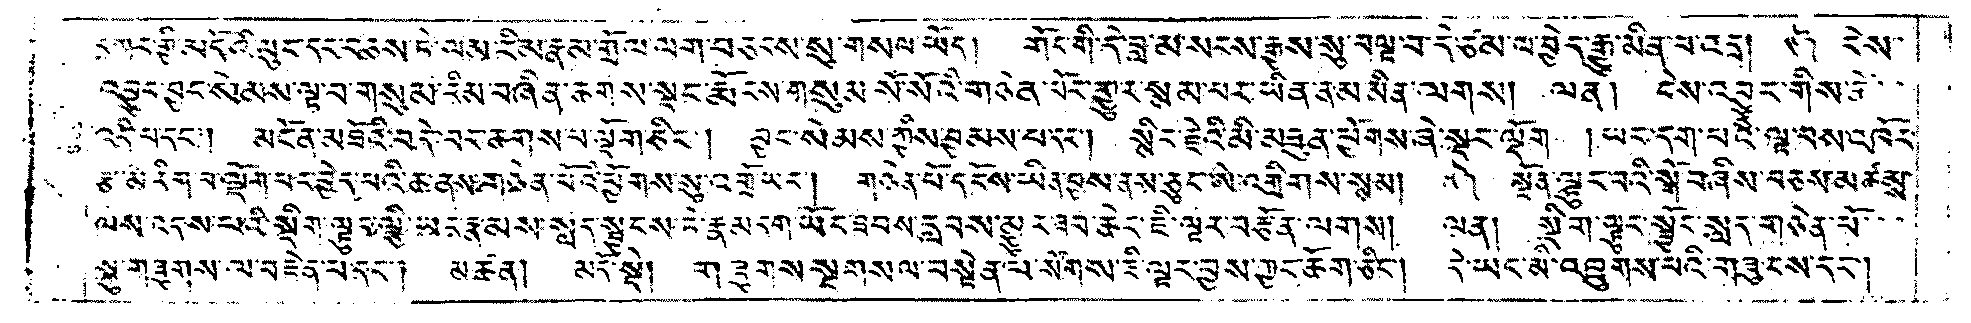དཀར་གྱི་མདོའི་ལུང་དང་བཅས་ཏེ་ལམ་རིམ་རྣམ་གྲོལ་ལག་བཅངས་སུ་གསལ་ཡོད། གོང་གི་དེ་བླ་མ་སངས་རྒྱས་སུ་བལྟ་བ་དེ་ཙམ་ལ་བྱེད་རྒྱུ་མིན་པ་འདྲ། ༤?་ངེས་
འབྱུང་བྱང་སེམས་ལྟ་བ་གསུམ་རིམ་བཞིན་ཆགས་སྡང་རྨོངས་གསུམ་སོ་སོའི་གཉེན་པོར་གྱུར་སྙམ་པར་ཡིན་ནམ་མིན་ལགས། ལན། ངེས་འབྱུང་གིས་ཚེ་
འདི་པ་དང་། མངོན་མཐོའི་བདེ་བར་ཆགས་པ་ལྡོག་ཅིང་། བྱང་སེམས་ཀྱིས་བྱམས་པ་དང་། སྙིང་རྗེའི་མི་མཐུན་ཕྱོགས་ཞེ་སྡང་ལྡོག །ཡང་དག་པའི་ལྟ་བས་འཁོར་
རྩ་མ་རིག་པ་ལྡོག་པར་བྱེད་པའི་ཆ་ནས་གཉེན་པོའི་ཕྱོགས་སུ་འགྲོ་ཡང་། གཉེན་པོ་དངོས་ཡིན་བྱས་ནས་ཅུང་ཨེ་འགྲིགས་སྙམ། ༤?་སྔོན་ལྟུང་བའི་སྒོ་བཞིས་བཅས་མཚམས་
ལས་འདས་པའི་སྡིག་ལྟུང་ལྕི་ཡང་རྣམས་སླད་སྦྱངས་ཏེ་རྣམ་དག་ཡོང་ཐབས་རླབས་མྱུར་ཟབ་ཆེར་ཇི་ལྟར་བརྩོན་ལགས། ལན། སྡིག་ལྟུང་སྦྱོང་སླད་གཉེན་པོ་
སྐུ་གཟུགས་ལ་བརྟེན་པ་དང་། མཚན། མདོ་སྡེ། གཟུགས་སྔགས་ལ་བསྟེན་པ་སོགས་ཇི་ལྟར་བྱས་ཀྱང་ཆོག་ཅིང་། དེ་ཡང་མི་འཁྲུགས་པའི་གཟུངས་དང་།